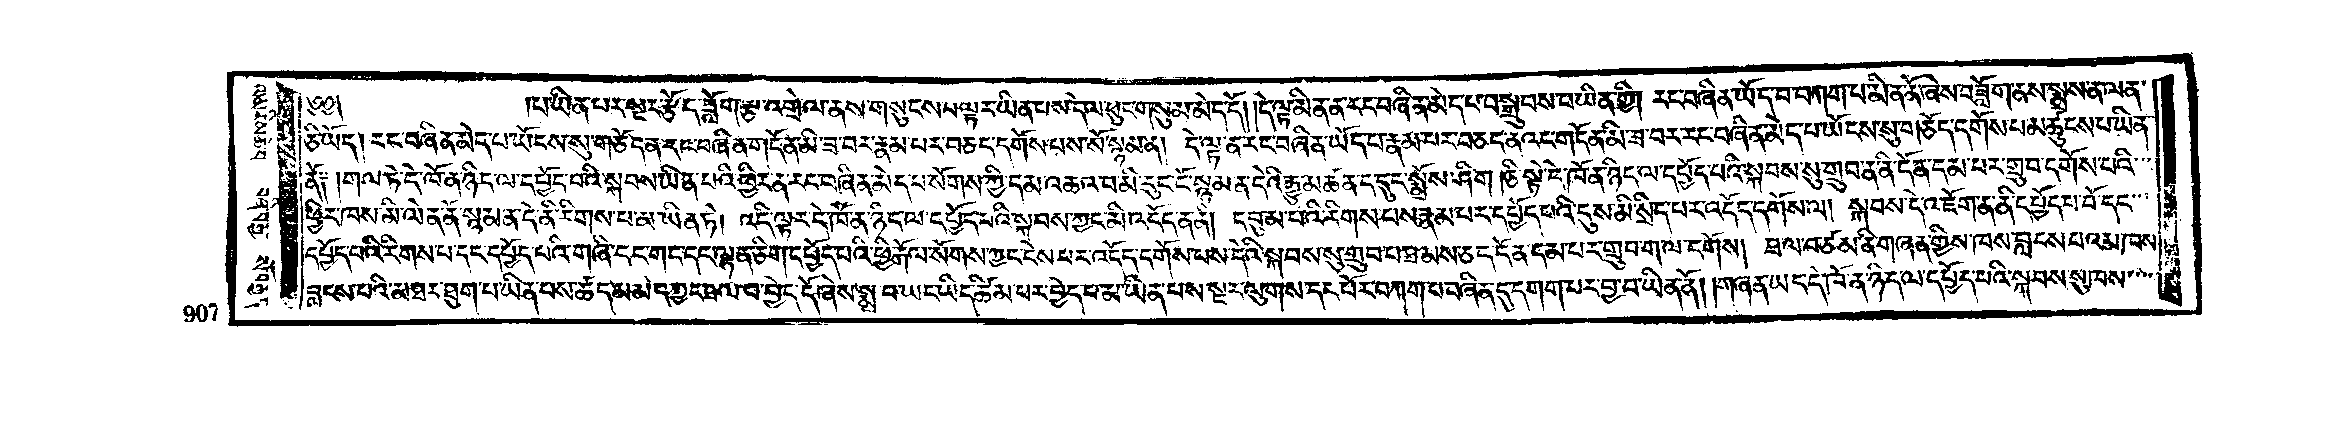༄༅། །པ་ཡིན་པར་སྔར་རྩོད་ཟློག་རྩ་འགྲེལ་ནས་གསུངས་པ་ལྟར་ཡིན་པས་དེ་ལ་ཕུང་གསུམ་མེད་དོ། །དེ་ལྟ་མིན་ན་རང་བཞིན་མེད་པ་བསྒྲུབས་པ་ཡིན་གྱི། རང་བཞིན་ཡོད་པ་བཀག་པ་མིན་ནོ་ཞེས་བཟློག་ནས་སྨྲས་ན་ལན་
ཅི་ཡོད། རང་བཞིན་མེད་པ་ཡོངས་སུ་གཅོད་ན་རང་བཞིན་གདོན་མི་ཟ་བར་རྣམ་པར་བཅད་དགོས་པས་སོ་སྙམ་ན། དེ་ལྟ་ན་རང་བཞིན་ཡོད་པ་རྣམ་པར་བཅད་ནའང་གདོན་མི་ཟ་བར་རང་བཞིན་མེད་པ་ཡོངས་སུ་གཅོད་དགོས་པ་མཚུངས་པ་ཡིན་
ནོ༑ ༑གལ་ཏེ་དེ་ཁོ་ན་ཉིད་ལ་དཔྱོད་པའི་སྐབས་ཡིན་པའི་ཕྱིར་ན་རང་བཞིན་མེད་པ་སོགས་ཀྱི་དམ་འཆའ་བ་མི་རུང་ངོ་སྙམ་ན་དེའི་རྒྱུ་མཚན་ད་དུང་སྨྲོས་ཤིག །ཅི་སྟེ་དེ་ཁོ་ན་ཉིད་ལ་དཔྱོད་པའི་སྐབས་སུ་གྲུབ་ན་ནི་དོན་དམ་པར་གྲུབ་དགོས་པའི་
ཕྱིར་ཁས་མི་ལེན་ནོ་སྙམ་ན་དེ་ནི་རིགས་པ་མ་ཡིན་ཏེ། འདི་ལྟར་དེ་ཁོ་ན་ཉིད་ལ་དཔྱོད་པའི་སྐབས་ཀྱང་མི་འདོད་ན་ནི། དབུ་མ་པའི་རིགས་པས་རྣམ་པར་དཔྱོད་པའི་དུས་མི་སྲིད་པར་འདོད་དགོས་ལ། སྐབས་དེ་འཇོག་ན་ནི་དཔྱོད་པ་པོ་དང་
དཔྱོད་པའི་རིགས་པ་དང་དཔྱོད་པའི་གཞི་དང་གང་དང་ལྷན་ཅིག་དཔྱོད་པའི་ཕྱི་རྒོལ་སོགས་ཀྱང་ངེས་པར་འདོད་དགོས་པས་དེའི་སྐབས་སུ་གྲུབ་པ་ཐམས་ཅད་དོན་དམ་པར་གྲུབ་ག་ལ་དགོས། ཐལ་བཙམ་ནི་གཞན་གྱིས་ཁས་བླངས་པའམ་ཁས་
བླངས་པའི་མཐར་ཐུག་པ་ཡིན་པས་ཚད་མ་མེད་ཀྱང་ཐལ་བ་བྱེད་དོ་ཞེས་སྨྲ་བ་ཡང་ཡིད་ཚིམ་པར་བྱེད་པ་མ་ཡིན་པས་སྔར་ལུགས་དང་པོར་བཀག་པ་བཞིན་དུ་དགག་པར་བྱ་བ་ཡིན་ནོ། །གཞན་ཡང་དེ་ཁོ་ན་ཉིད་ལ་དཔྱོད་པའི་སྐབས་སུ་ཁས་